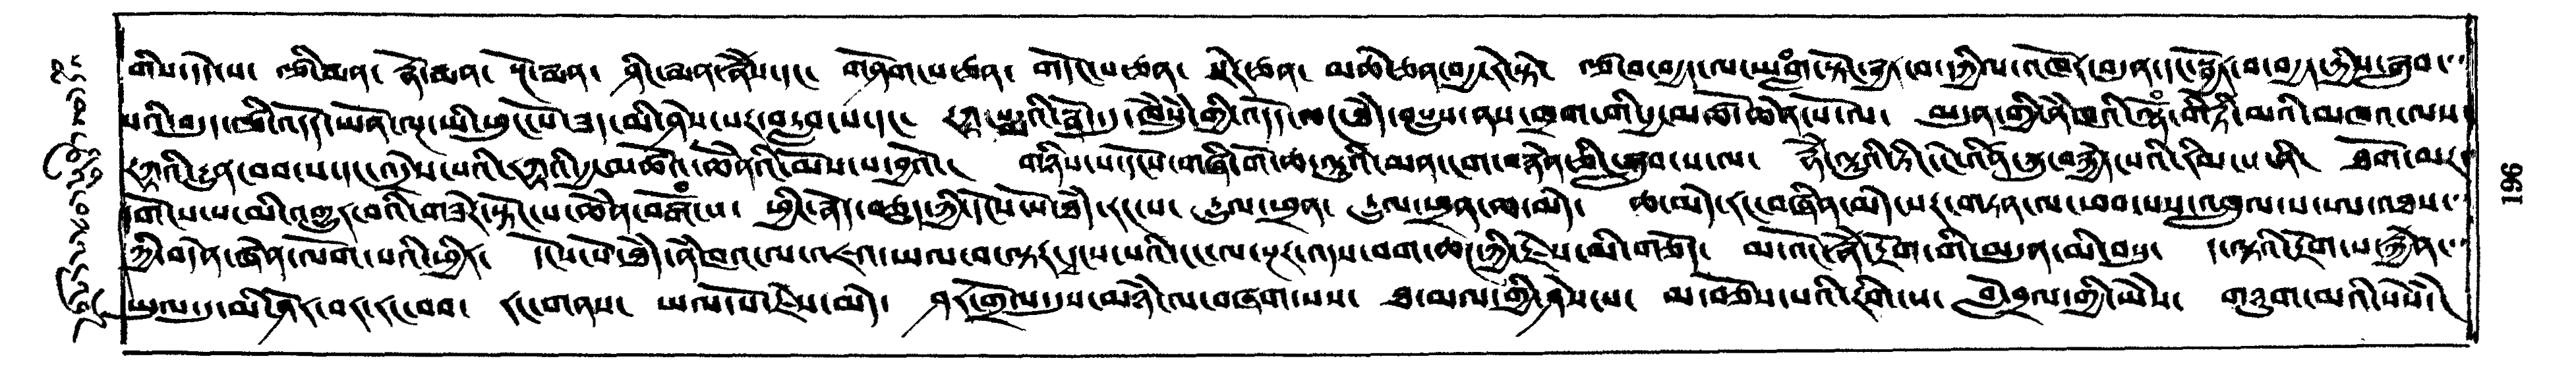གིས་དེད་པ། རྩི་སྨན། རྡོ་སྨན། སྔོ་སྨན། ཤིང་སྨན་རྣམས་དང་། གཤོག་པ་ཅན། གདོང་པ་ཅན། སྡེར་མོ་ཅན། མཆེ་ཅན་བརྒྱ་རེ་སྟེ། རྩ་བ་བརྒྱད་ལ་ཡན་ལག་སྟོང་སྦྱར་བ་དཀྱིལ་འཁོར་བདུན་དང་སྦྱོར་བ་བརྒྱད་ཀྱིས་བསྒྲུབས་
པའི་བདུད་རྩི་འདོད་ཡོན་ལྔའི་ཕུང་པོ་ཟད་མི་ཤེས་པར་བརླབ་པ་དང་། རཀྟ་པདྨའི་སྣོད་དུ་ཁམས་གསུམ་གྱི་འདོད་ཆགས་ཐམས་ཅད་བསྡུས་ནས་ཁྲག་གི་རྒྱ་མཚོ་ཆེན་པོ་ལ། མདུན་གྱི་ནམ་མཁའི་ལྷ་མོ་གི་རྟི་མའི་མཁའ་ལས་
རཀྟའི་རྒྱུན་བབས་པ་དང་འདྲེས་པའི་རཀྟའྀ་རྒྱ་མཚོ་ཆེན་པོའི་མོས་པ་བྱའོ།། གཉིས་པ་དངོས་གཞི་གོ་ཆ་ལྟ་བུའི་མན་ངག་བསྙེན་ཅིང་སྒྲུབ་པ་ལ། རྡོ་རྗེ་ལྟ་བུའི་ཏིང་ངེ་འཛིན་སྐུ་བསྐྱེད་པའི་རིམ་པ་ནི། ཐོག་མར་
དགོངས་པ་མི་འགྱུར་བའི་གཟེར་སྟོང་པ་ཆེན་པོ་བསྒོམ་པ། ཕྱི་ནང་སྣོད་བཅུད་ཀྱི་དངོས་པོ་ཐམས་ཅད་རང་ས། རྡུལ་ཕྲན། རྡུལ་ཕྲན་ཆ་མེད། ཆ་མེད་རང་བཞིན་མེད་པར་གཏན་ལ་ཕབ་པས་འཁྲུལ་པཨ་འཐས་
ཀྱི་བདེན་ཞེན་འགོ་པའི་ཕྱིར། དངོས་པོ་ཐམས་ཅད་ནམ་མཁའ་ལ་འཇའ་ཡལ་བ་ལྟར་དྭངས་པའི་ངང་ལ་སྔར་འདས་བག་ཆགས་ཀྱི་རྗེས་མི་གཅོད། མ་འོངས་རྣམ་རྟོག་གི་མདུན་མི་བསུ། ད་ལྟའི་རྟོག་པ་རྐྱེན་
ཡུལ་དུ་མི་ཤོར་བར། རང་བབ། རང་གནས། ཡལ་སོང་རྗེས་མེད། ཤར་གྲོལ་དུས་མཉམ་ལ་བཞག་པས། ཐ་མལ་གྱི་ཤེས་པ། མ་བཅོས་པའི་རིག་པ། བློ་བྲལ་གྱི་ཡེ་ཤེས། གཉུག་མའི་སེམས།